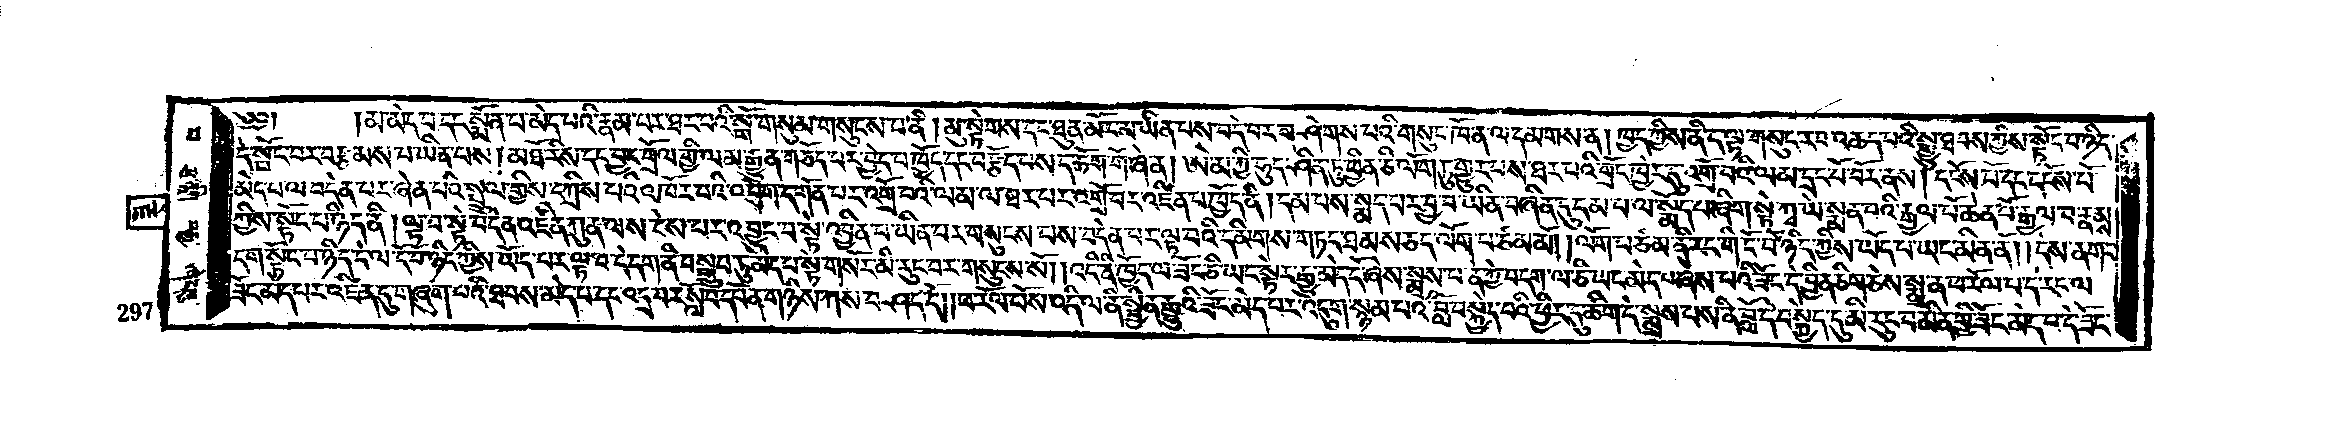༄༅། །མ་མེད་པ་དང་སྨོན་པ་མེད་པའི་རྣམ་པར་ཐར་པའི་སྒོ་གསུམ་གསུངས་པ་ནི། མུ་སྟེགས་དང་ཐུན་མོང་མ་ཡིན་པས་བདེ་བར་གཤེགས་པའི་གསུང་ཁོ་ན་ལ་དམིགས་ན། ཁྱད་ཀྱིས་ནི་ད་ལྟ་གསུང་རབ་འཆད་པའི་སྒྱུ་ཐབས་ཀྱིས་སྟོང་པ་ཉིད་
དེ་སྤོང་བར་བརྩམས་པ་ཡིན་པས། མཐོ་རིས་དང་བྱང་གྲོལ་གྱི་ལམ་རྒྱུན་གཅོད་པར་བྱེད་པ་ཁྱོད་དང་བརྩོད་བསད་ཆོག་གོ་ཞེ་ན། ཨེ་མ་ཀྱི་ཧུད་ཤིན་ཏུ་ཕྱིན་ཅི་ལོག་ཏུ་གྱུར་པས་ཐར་པའི་གྲོང་ཁྱེར་དུ་འགྲོ་བའི་ལམ་དྲང་པོ་བོར་ནས། དངོས་པོ་དང་དངོས་པོ་
མེད་པ་ལ་བདེན་པར་ཞེན་པའི་སྦྲུལ་གྱིས་དཀྲིས་པའི་འཁོར་བའི་འགག་དགོན་པར་འགྲོ་བའི་ལམ་ལ་ཐར་པར་འགྲོ་བར་འཛིན་པ་ཁྱོད་ནི། དམ་པས་སྨད་པར་བྱ་བ་ཡིན་བཞིན་དུ་དམ་པ་ལ་སྨོད་པ་ཞིག་སྟེ་ཀྭ་ཡེ་སྨན་པའི་རྒྱལ་པོ་ཆེན་པོ་རྒྱལ་བ་རྣམས་
ཀྱིས་སྟོང་པ་ཉིད་ནི། ལྟ་བ་སྟེ་བདེན་འཛིན་ཀུན་ལས་ངེས་པར་འབྱུང་བ་སྟེ་འབྱིན་པ་ཡིན་པར་གསུངས་པས་བདེན་པར་ལྟ་བའི་དམིགས་གཏང་ཐམས་ཅད་ལོག་པ་ཙམ་མོ། །ལོག་པ་ཙམ་ནི་རང་གི་ངོ་བོ་ཉིད་ཀྱིས་ཡོད་པ་ཡང་མིན་ནོ། །དེས་ན་གང་
དག་སྟོང་པ་ཉིད་དེ་ལ་ངོ་བོ་ཉིད་ཀྱིས་ཡོད་པར་ལྟ་བ་དེ་དག་ནི་བསྒྲུབ་ཏུ་མེད་པ་སྟེ་གསོར་མི་རུང་བར་གསུངས་སོ། །འདི་ནི་ཁྱོད་ལ་ཟོང་ཅི་ཡང་སྟེར་རྒྱུ་མེད་དོ་ཞེས་སྨྲས་པ་ན་ཀྱེ་བདག་ལ་ཅི་ཡང་མེད་པ་ཞེས་པའི་ཟོང་དེ་བྱིན་ཅིག་ཅེས་སྨྲ་ན་ཕ་རོལ་པ་དེ་རང་ལ་
ཟོང་མེད་པར་འཛིན་དུ་གཞུག་པའི་ཐབས་མེད་པ་དང་འདྲ་བར་སློབ་དཔོན་གཉིས་ཀས་བཤད་དོ། །ཕ་རོལ་པོས་འདི་ལ་ནི་སྦྱིན་རྒྱུའི་ཟོང་མེད་པར་འདུག་སྙམ་པའི་བློ་བསྐྱེད་པའི་ཕྱིར་དུ་ཚིག་དེ་སྨྲས་པས་ན་བློ་དེ་བསྐྱེད་དུ་མི་རུང་བ་མིན་གྱི་ཟོང་མེད་པ་དེ་ཟོང་